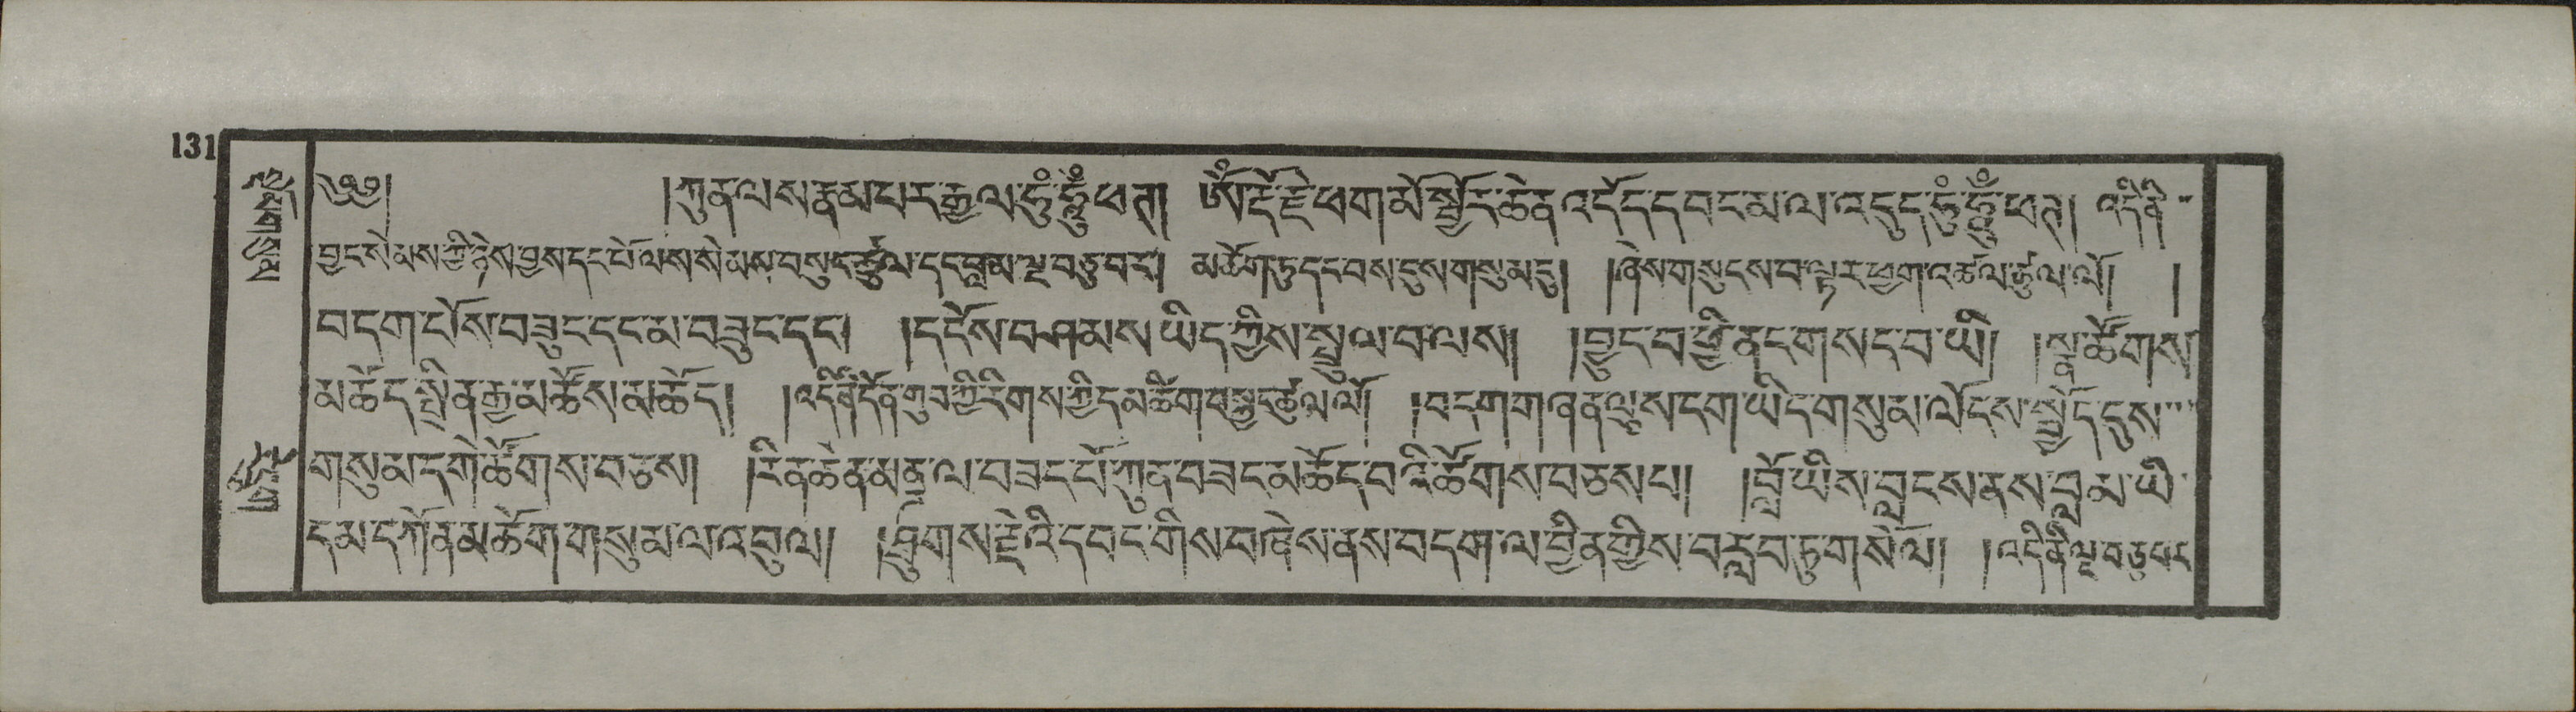༄༅། །ཀུན་ལས་རྣམ་པར་རྒྱལ་ཧུཾ་ཧཱུཾ་ཕཊ། ཨོཾ་རྡོ་རྗེ་ཕག་མོ་སྦྱོར་ཆེན་འདོད་དབང་མ་ལ་འདུད་ཧུཾ་ཧཱུཾ་ཕཊ། འདི་ནི་
བྱང་སེམས་ཀྱི་ཉེས་བྱས་དང་པོ་ལས་སེམས་བསུང་ཚུལ་དང་བླ་མ་ལྔ་བཅུ་བར། མཆོག་ཏུ་དང་བས་དུས་གསུམ་དུ། །ཞེས་གསུངས་བ་ལྟར་ཕྱག་འཚལ་ཚུལ་ལོ། །
བདག་པོས་བཟུང་དང་མ་བཟུང་དང་། །དངོས་བཤམས་ཡིད་ཀྱིས་སྤྲུལ་བ་ལས། །བྱུང་བ་ཕྱི་ནང་གསང་བ་ཡི། །སྣ་ཚོགས་
མཆོད་སྤྲིན་རྒྱ་མཚོས་མཆོད། །འདི་ནི་དོན་གྲུབ་ཀྱི་རིགས་ཀྱི་དམ་ཚིག་བསྐྱང་ཚུལ་ལོ། །བདག་གཞན་ལུས་ངག་ཡིད་གསུམ་ལོངས་སྤྱོད་དུས་
གསུམ་དགེ་ཚོགས་བཅས། །རིན་ཆེན་མནྜ་ལ་བཟང་པོ་ཀུན་བཟང་མཆོད་པའི་ཚོགས་བཅས་པ། །བློ་ཡིས་བླངས་ནས་བླ་མ་ཡི་
དམ་དཀོན་མཆོག་གསུམ་ལ་འབུལ། །ཐུགས་རྗེའི་དབང་གིས་བཞེས་ནས་བདག་ལ་བྱིན་གྱིས་བརླབ་ཏུ་གསོལ། །འདི་ནི་ལྔ་བཅུ་བར་